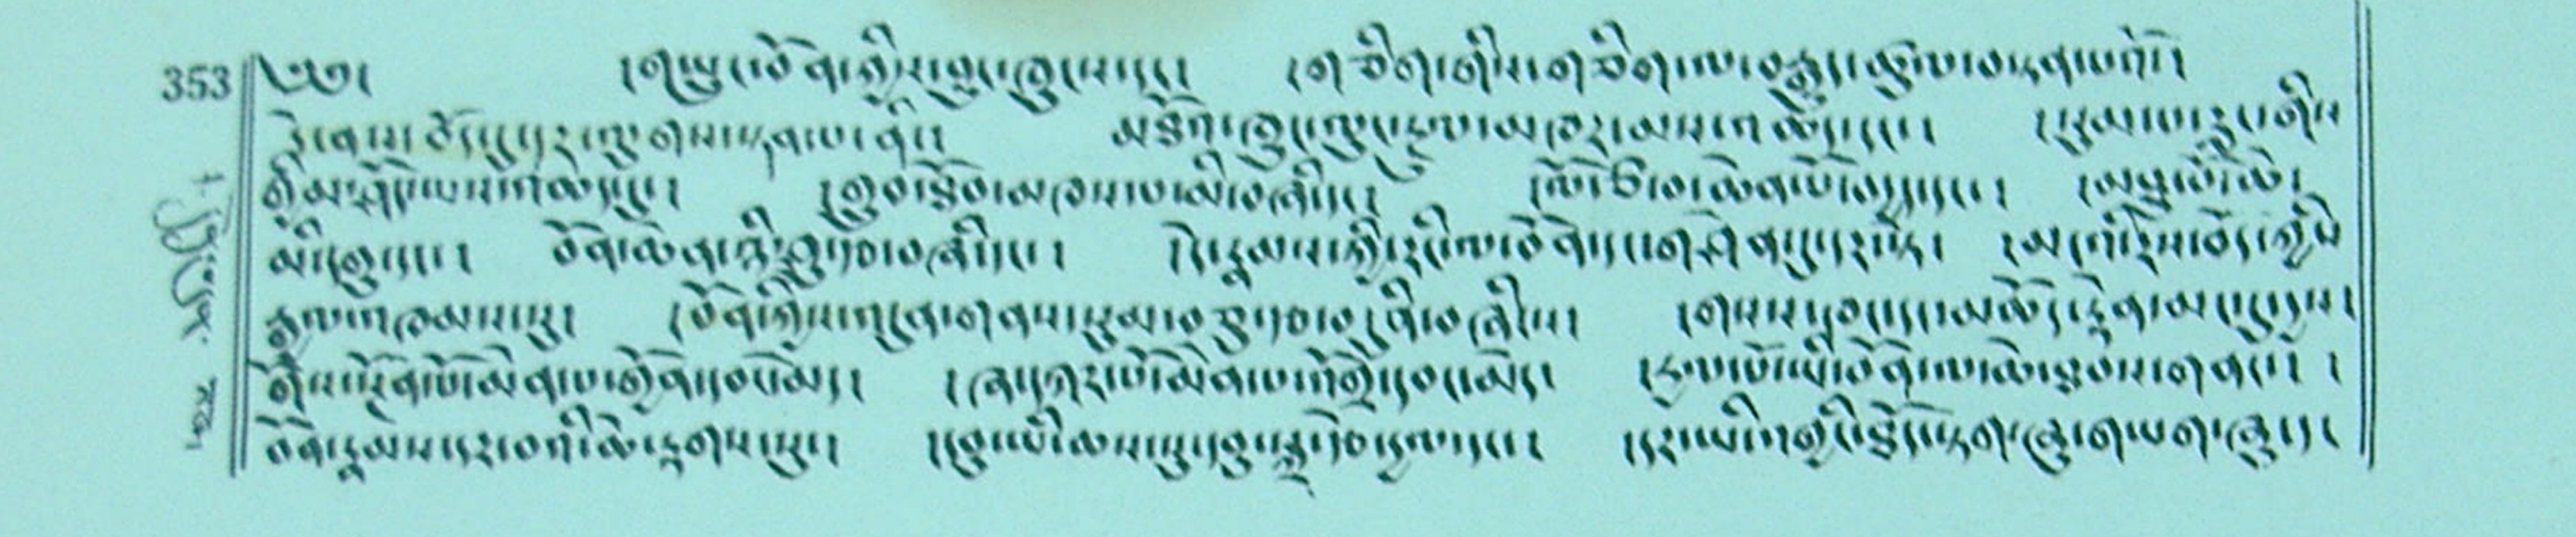༄༅། །གཡུང་དྲུང་བོན་གྱི་བྱུང་ཁུངས་དང་། གཅིག་གིས་གཅིག་ལ་བརྒྱུད་ཚུལ་བསྟན་པའོ། །
དེ་ནས་བོད་དུ་དར་ལུགས་བསྟན་པ་ནི། མཐོ་ཁྱུང་ལུང་དངུལ་མཁར་མས་འཆད་དང་། སུམ་པ་རླང་གི་
གྱིམ་ཤོད་ཡན་ཆད་དུ། གྲུབ་ཐོབ་མཁས་པ་མི་བཞི་དང་། ལོ་ཙཱ་བ་ཆེན་པོ་བརྒྱད་དང་། མཐུ་བོ་ཆེ་
མི་དགུ་དང་། བོན་ཆེན་ཉི་ཤུ་རྩ་བཞི་དང་། དེ་རྣམས་ཀྱི་རིང་ལ་བོན་དང་གཤེན་དུ་དར་སྟེ། མངའ་རིས་བོད་ཀྱི་
རྒྱལ་ཁམས་སུ། བོན་གྱི་འདུན་གནས་སུམ་བཅུ་རྩ་བདུན་ནི་བཞེངས། གསས་ཁང་དང་མཆོད་རྟེན་མང་དུ་རྒྱས། 
གོས་སྔོན་པོ་མིན་པ་གྱོན་དབང་མེད། ཞྭ་དཀར་པོ་མིན་པ་འགྲོ་དབང་མེད། རྒྱལ་བོ་ཡིས་བོན་ལ་ཆེ་ཐབས་གནངས། 
བོན་རྣམས་དར་བའི་ཆེ་རྟགས་སུ། དབུ་ཡི་ཆས་སུ་དབུ་སྐྲ་རྩེ་རྒྱལ་དང་། དར་གྱི་འགྱིང་ཐོད་སྟག་ཞུ་གཡག་ཞུ་དང་།